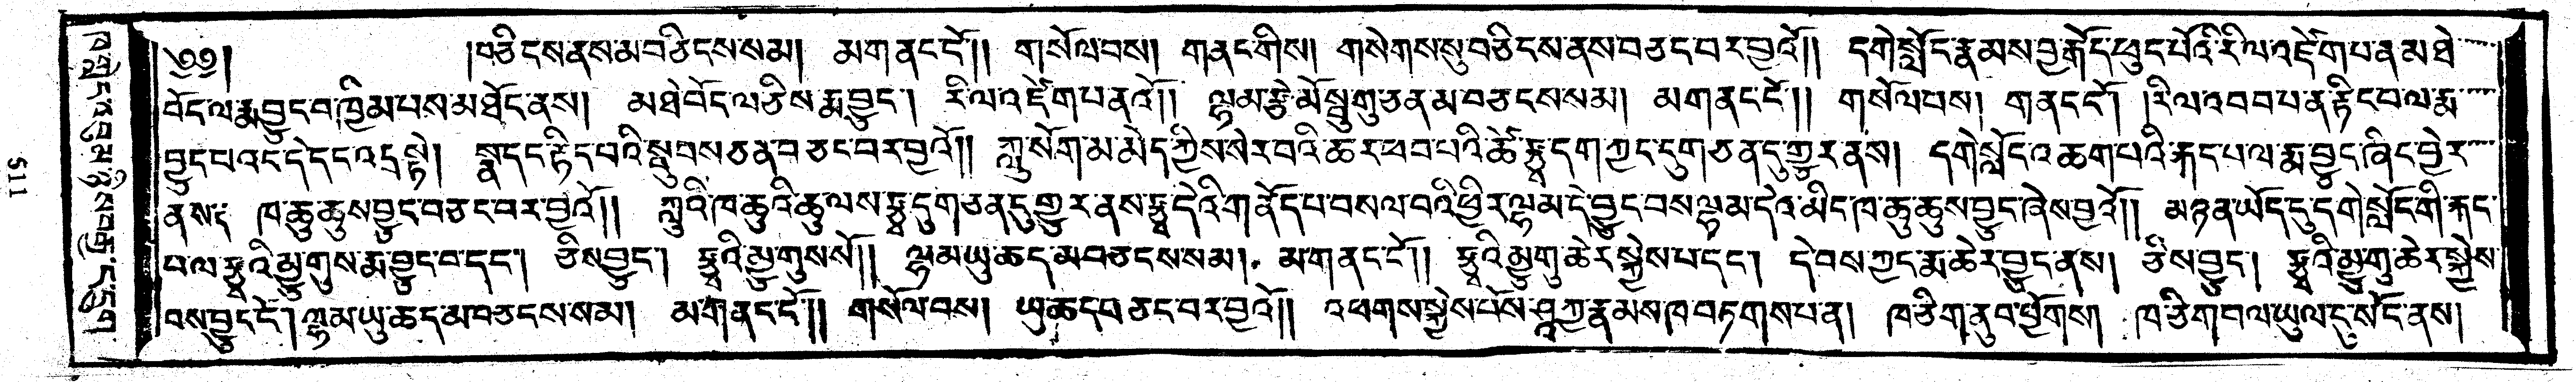༄༅། །བཅིངས་ནས་མ་བཅིངས་སམ། མ་གནང་ངོ།། གསོལ་བས། གནང་གིས། གསེགས་སུ་བཅིངས་ནས་བཅང་བར་བྱའོ།། དགེ་སློང་རྣམས་བྱ་རྒོད་ཕུང་པོའི་རི་ལ་འཛེག་པ་ན་མཐེ་
བོང་ལ་རྨ་བྱུང་བ་ཁྱིམ་པས་མཐོང་ནས། མཐེ་བོང་ལ་ཅིས་རྨ་བྱུང་། རི་ལ་འཛེག་པ་ནའོ།། ལྷམ་རྩེ་མོ་སྦུ་གུ་ཅན་མ་བཅངས་སམ། མ་གནང་ངོ།། གསོལ་བས། གནང་ངོ། །རི་ལ་འབབ་པ་ན་རྟིང་བ་ལ་རྨ་
བྱུང་པའང་དེ་དང་འདྲ་སྟེ། སྣ་དང་རྟིང་པའི་སྦུབས་ཅན་བཅང་བར་བྱའོ།། ཀླུ་སོག་མ་མེད་ཀྱིས་སེར་བའི་ཆར་ཕབ་པའི་ཚེ་རྩྭ་དག་ཀྱང་དུག་ཅན་དུ་གྱུར་ནས། དགེ་སློང་འཆག་པའི་རྐང་པ་ལ་རྨ་བྱུང་ཞིང་བྱེར་
ནས༑ ཁ་ཆུ་ཆུས་བྱུང་བཅང་བར་བྱའོ།། ཀླུའི་ཁ་ཆུའི་ཆུ་ལས་རྩྭ་དུག་ཅན་དུ་གྱུར་ནས་རྩྭ་དེའི་གནོད་པ་བསལ་བའི་ཕྱིར་ལྷམ་དེ་བྱུང་བས་ལྷམ་དེའི་མིང་ཁ་ཆུ་ཆུས་བྱུང་ཞེས་བྱའོ།། མཉན་ཡོད་དུ་དགེ་སློང་གི་རྐང་
པ་ལ་རྩྭའི་མྱུ་གུས་རྨ་བྱུང་བ་དང་། ཅིས་བྱུང་། རྩྭའི་མྱུ་གུས་སོ།། ལྷམ་ཡུ་ཆད་མ་བཅངས་སམ། མ་གནང་ངོ།། རྩྭའི་མྱུ་གུ་ཆེར་སྐྱེས་པ་དང་། དེ་བས་ཀྱང་རྨ་ཆེར་བྱུང་ནས། ཅིས་བྱུང་། རྩྭའི་མྱུ་གུ་ཆེར་སྐྱེས་
བས་བྱུང་ངོ། ལྷམ་ཡུ་ཆད་མ་བཅངས་སམ། མ་གནང་ངོ།། གསོལ་བས། ཡུ་ཆད་བཅང་བར་བྱའོ།། འཕགས་སྐྱེས་པོས་ཤཱཀྱ་རྣམས་ཁ་བཏགས་པ་ན། ཁ་ཅིག་ནུབ་ཕྱོགས། ཁ་ཅིག་བལ་ཡུལ་དུ་སོང་ནས།